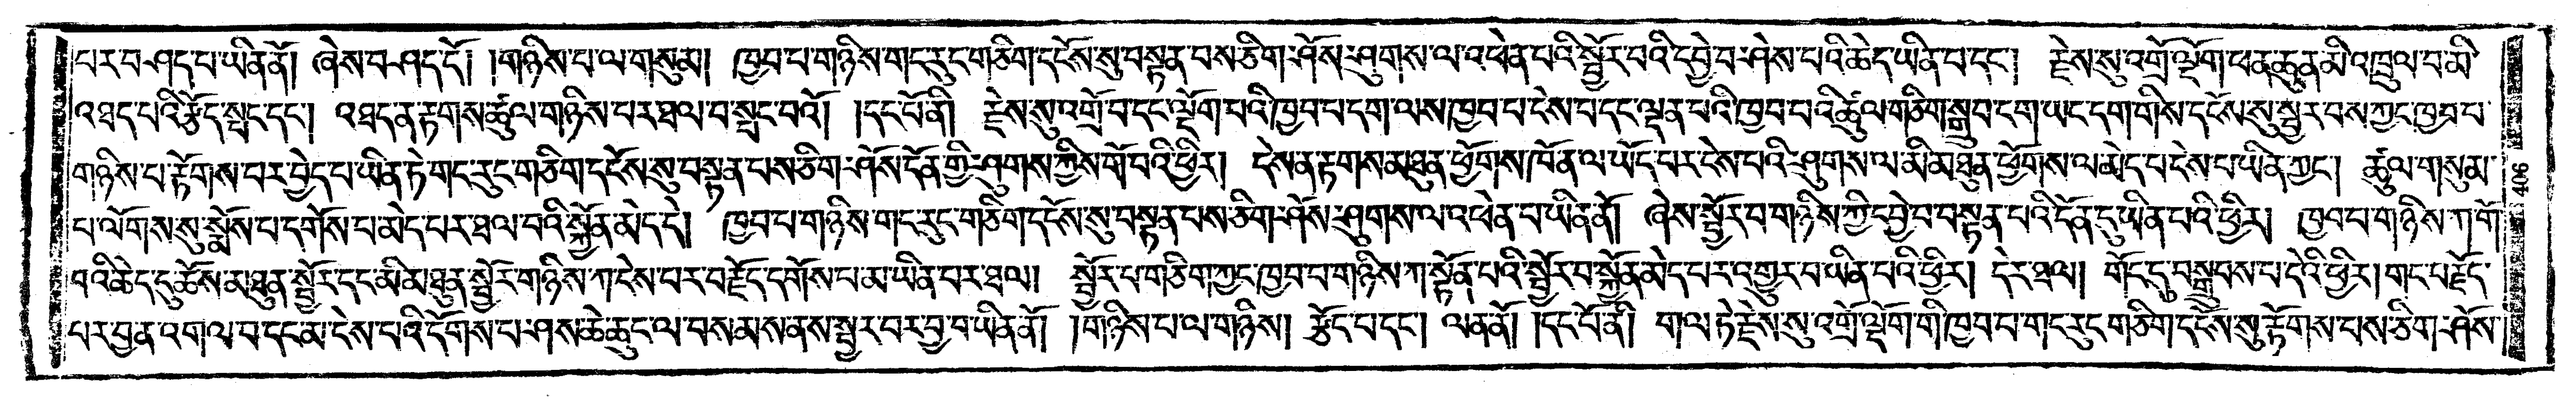པར་བཤད་པ་ཡིན་ནོ། ཞེས་བཤད་དོ། །གཉིས་པ་ལ་གསུམ། ཁྱབ་པ་གཉིས་གང་རུང་གཅིག་དངོས་སུ་བསྟན་པས་ཅིག་ཤོས་ཤུགས་ལ་འཕེན་པའི་སྦྱོར་བའི་དབྱེ་བ་ཤེས་པའི་ཆེད་ཡིན་པ་དང་། རྗེས་སུ་འགྲོ་ལྡོག་ཕན་ཚུན་མི་འཁྲུལ་བ་མི་
འཐད་པའི་རྩོད་སྤང་དང་། འཐད་ན་རྟགས་ཚུལ་གཉིས་པར་ཐལ་བ་སྤང་བའོ། །དང་པོ་ནི། རྗེས་སུ་འགྲོ་བ་དང་ལྡོག་པའི་ཁྱབ་པ་དག་ལས་ཁྱབ་པ་ངེས་པ་དང་ལྡན་པའི་ཁྱབ་པའི་ཚུལ་གཅིག་སྒྲུབ་ངག་ཡང་དག་གིས་དངོས་སུ་སྦྱར་བས་ཀྱང་ཁྱབ་པ་
གཉིས་པ་རྟོགས་པར་བྱེད་པ་ཡིན་ཏེ་གང་རུང་གཅིག་དངོས་སུ་བསྟན་པས་ཅིག་ཤོས་དོན་གྱི་ཤུགས་ཀྱིས་གོ་བའི་ཕྱིར། དེས་ན་རྟགས་མཐུན་ཕྱོགས་ཁོ་ན་ལ་ཡོད་པར་ངེས་པའི་ཤུགས་ལ་མི་མཐུན་ཕྱོགས་ལ་མེད་པ་ངེས་པ་ཡིན་ཀྱང་། ཚུལ་གསུམ་
པ་ལོགས་སུ་སྨོས་པ་དགོས་པ་མེད་པར་ཐལ་བའི་སྐྱོན་མེད་དེ། ཁྱབ་པ་གཉིས་གང་རུང་གཅིག་དངོས་སུ་བསྟན་པས་ཅིག་ཤོས་ཤུགས་ལ་འཕེན་པ་ཡིན་ནོ། ཞེས་སྦྱོར་བ་གཉིས་ཀྱི་དབྱེ་བ་བསྟན་པའི་དོན་དུ་ཡིན་པའི་ཕྱིར། ཁྱབ་པ་གཉིས་ཀ་གོ་
བའི་ཆེད་དུ་ཆོས་མཐུན་སྦྱོར་དང་མི་མཐུན་སྦྱོར་གཉིས་ཀ་ངེས་པར་བརྗོད་དགོས་པ་མ་ཡིན་པར་ཐལ། སྦྱོར་པ་གཅིག་ཀྱང་ཁྱབ་པ་གཉིས་ཀ་སྟོན་པའི་སྦྱོར་བ་སྐྱོན་མེད་པར་འགྱུར་བ་ཡིན་པའི་ཕྱིར། དེར་ཐལ། གོང་དུ་བསྒྲུབས་པ་དེའི་ཕྱིར། གང་བརྗོད་
པར་བྱ་ན་འགལ་བ་དང་མ་ངེས་པའི་དོགས་པ་ཤས་ཆེ་ཆུང་ལ་བསམས་ནས་སྦྱར་བར་བྱ་བ་ཡིན་ནོ། །གཉིས་པ་ལ་གཉིས། རྩོད་པ་དང་། ལན་ནོ། །དང་པོ་ནི། གལ་ཏེ་རྗེས་སུ་འགྲོ་ལྡོག་གི་ཁྱབ་པ་གང་རུང་གཅིག་དངོས་སུ་རྟོགས་པས་ཅིག་ཤོས་